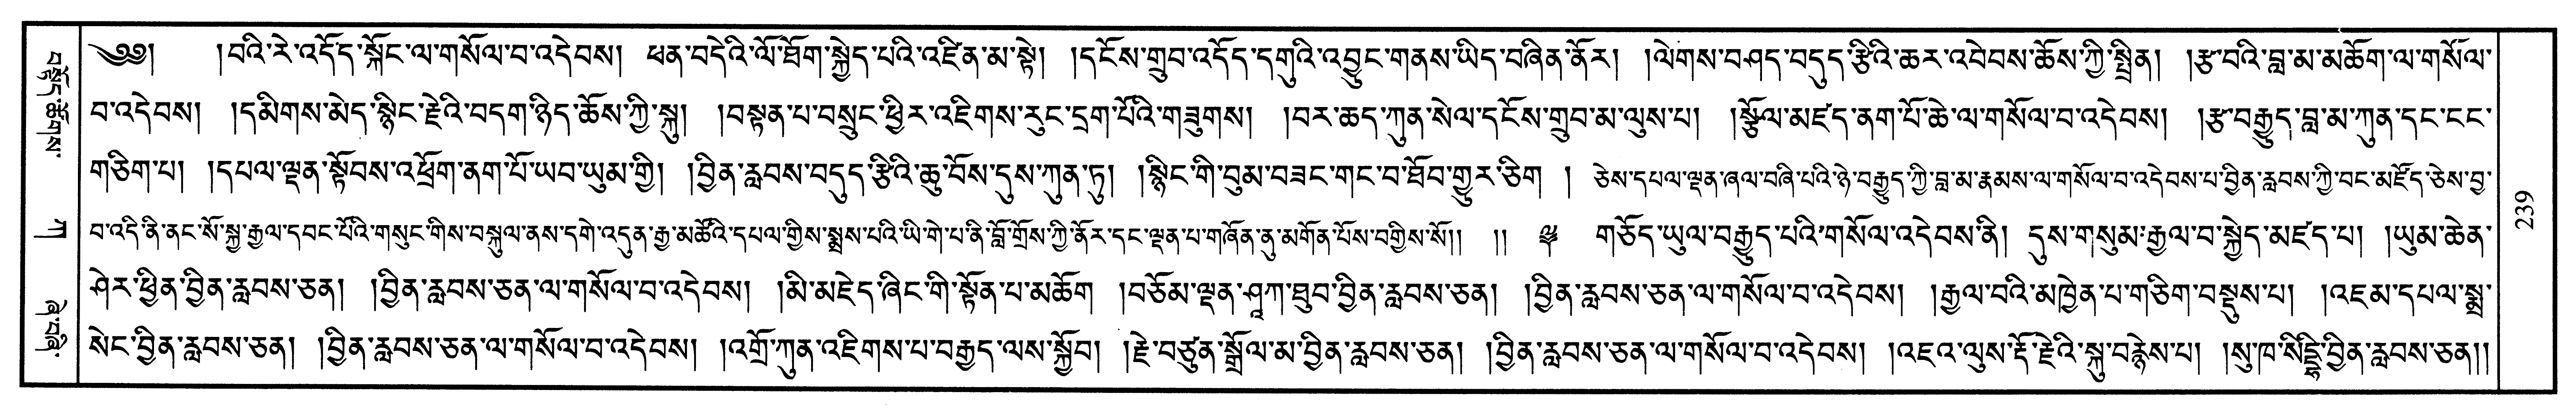༄༅། །བའི་རེ་འདོད་སྐོང་ལ་གསོལ་བ་འདེབས། ཕན་བདེའི་ལོ་ཐོག་སྐྱེད་པའི་འཛིན་མ་སྟེ། །དངོས་གྲུབ་འདོད་དགུའི་འབྱུང་གནས་ཡིད་བཞིན་ནོར། །ལེགས་བཤད་བདུད་རྩིའི་ཆར་འབེབས་ཆོས་ཀྱི་སྤྲིན། །རྩ་བའི་བླ་མ་མཆོག་ལ་གསོལ་
བ་འདེབས། །དམིགས་མེད་སྙིང་རྗེའི་བདག་ཉིད་ཆོས་ཀྱི་སྐུ། །བསྟན་པ་བསྲུང་ཕྱིར་འཇིགས་རུང་དྲག་པོའི་གཟུགས། །བར་ཆད་ཀུན་སེལ་དངོས་གྲུབ་མ་ལུས་པ། །སྩོལ་མཛད་ནག་པོ་ཆེ་ལ་གསོལ་བ་འདེབས། །རྩ་བརྒྱུད་བླ་མ་ཀུན་དང་ངང་
གཅིག་པ། །དཔལ་ལྡན་སྟོབས་འཕྲོག་ནག་པོ་ཡབ་ཡུམ་གྱི། །བྱིན་རླབས་བདུད་རྩིའི་ཆུ་བོས་དུས་ཀུན་ཏུ། །སྙིང་གི་བུམ་བཟང་གང་བ་ཐོབ་གྱུར་ཅིག །ཅེས་དཔལ་ལྡན་ཞལ་བཞི་པའི་ཉེ་བརྒྱུད་ཀྱི་བླ་མ་རྣམས་ལ་གསོལ་བ་འདེབས་པ་བྱིན་རླབས་ཀྱི་བང་མཛོད་ཅེས་བྱ་
བ་འདི་ནི་ནང་སོ་སྐྱ་རྒྱལ་དབང་པོའི་གསུང་གིས་བསྐུལ་ནས་དགེ་འདུན་རྒྱ་མཚོའི་དཔལ་གྱིས་སྨྲས་པའི་ཡི་གེ་པ་ནི་བློ་གྲོས་ཀྱི་ནོར་དང་ལྡན་པ་གཞོན་ནུ་མགོན་པོས་བགྱིས་སོ།། །། ༈ གཅོད་ཡུལ་བརྒྱུད་པའི་གསོལ་འདེབས་ནི། དུས་གསུམ་རྒྱལ་བ་སྐྱེད་མཛད་པ། །ཡུམ་ཆེན་
ཤེར་ཕྱིན་བྱིན་རླབས་ཅན། །བྱིན་རླབས་ཅན་ལ་གསོལ་བ་འདེབས། །མི་མཇེད་ཞིང་གི་སྟོན་པ་མཆོག །བཅོམ་ལྡན་ཤཱཀ་ཐུབ་བྱིན་རླབས་ཅན། །བྱིན་རླབས་ཅན་ལ་གསོལ་བ་འདེབས། །རྒྱལ་བའི་མཁྱེན་པ་གཅིག་བསྡུས་པ། །འཇམ་དཔལ་སྨྲ་
སེང་བྱིན་རླབས་ཅན། །བྱིན་རླབས་ཅན་ལ་གསོལ་བ་འདེབས། །འགྲོ་ཀུན་འཇིགས་པ་བརྒྱད་ལས་སྐྱོབ། །རྗེ་བཙུན་སྒྲོལ་མ་བྱིན་རླབས་ཅན། །བྱིན་རླབས་ཅན་ལ་གསོལ་བ་འདེབས། །འཇའ་ལུས་རྡོ་རྗེའི་སྐུ་བརྙེས་པ། །སུ་ཁ་སིདྡྷི་བྱིན་རླབས་ཅན།།